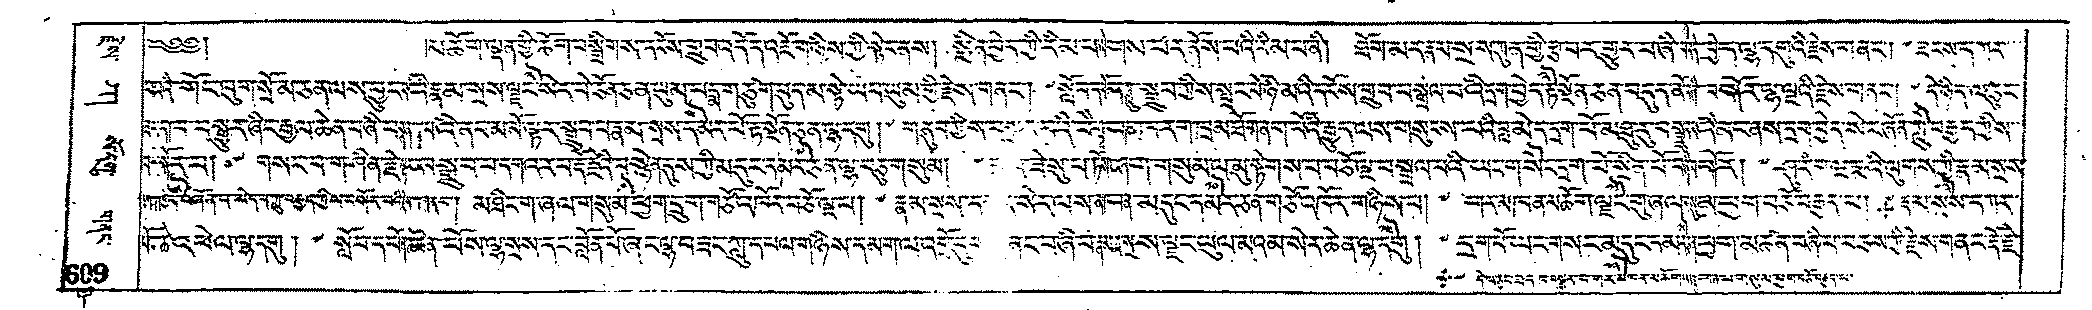༄༅། །མཆོག་ལྡན་གྱི་ཆོག་བསྒྲིགས་དངོས་གྲུབ་འདོད་འཇོ་གཉིས་ཀྱི་སྟེང་ནས། སྨིན་བྱེད་ཀྱི་རིམ་པ་ལེགས་པར་ནོས་པའི་རིམ་པ་ནི། ཐོག་མར་རྣམ་སྲས་ཀུན་གྱི་རྩ་བར་གྱུར་པ་ཞི་བ་བདེ་བྱེད་ལྷ་དགུའི་རྗེས་གནང་། ༧་ཟངས་དཀར་
བའི་གོང་ཁུག་སྲོ་མ་ཅན་ལས་བྱུང་བའི་རྣམ་སྲས་ལྗང་སེར་བེ་ཅོན་ཅན་ཡུམ་པདམ་གཙུག་ཕུད་མ་སྟེ་ཡབ་ཡུམ་གྱི་རྗེས་གནང་། ༧་སློབ་དཔོན་ཀླུ་སྒྲུབ་ཀྱིས་སྤྲང་པོ་ཉི་མའི་དངོས་གྲུབ་བསྒྲལ་བའི་དྲག་བྱེད་རྟ་སྔོན་ཅན་བདུད་མོ་བཞི་བསྐོར་ལྷ་ལྔའི་རྗེས་གནང་། ༧་དེ་ཉིད་ལ་ཅུང་
ཟད་ཁ་བསྒྱུར་ཞིང་རྒྱལ་ཆེན་བཞི་བསྣན་པའི་ནང་མ་མོ་ལྟར་སྒྲུབ་པ་རྣམ་སྲས་དམར་པོ་རྟ་སྔོན་ཅན་ལྷ་དགུ། ༧་གནུབ་ཀྱིས་བསྒྱུར་བའི་བཻ་ཤྲཱ་བ་ཎ་ཁ་རག་ཁྲམ་ཐོག་ནག་པོའི་རྒྱུད་ལས་གསུངས་པའི་བླ་མེད་དྲག་པོ་མཐུ་རུ་བསྒྲུབ་པའི་ནང་ནས་དྲག་བྱེད་སེང་ཞོན་ཀླུ་བརྒྱད་ཀྱིས་
བསྐོར་པ། ༧་གསང་བ་གཤིན་རྗེ་ལྟར་བསྒྲུབ་པ་དགའ་རབ་རྡོ་རྗེའི་བསྙེན་དུས་ཀྱི་མདུང་དམར་ཅན་ལྷ་བཅུ་གསུམ། ༧་བྲམ་ཟེ་སུ་པ་ཏོས་ཞག་གསུམ་ལ་མུ་སྟེགས་པ་བཅོ་ལྔ་བསྒྲལ་པའི་ཡང་གསང་དྲག་པོ་སྲིན་པོ་བཞི་བསྐོར། ༧་ཤུ་རཾ་ག་ཝ་རྨའི་ལུགས་ཀྱི་རྣམ་སྲས་
དྲག་བྱེད་བཞོན་པ་མེད་པ་ཀླུ་བརྒྱད་ཀྱིས་བསྐོར་བའི་རྗེས་གནང། མཐོང་ག་ཞལ་གསུམ་ཕྱག་དྲུག་གཙོ་འཁོར་བཅོ་ལྔ་པ། ༧་རྣམ་སྲས་དམར་སེར་ལས་མཁན་མདུང་དམར་ཅན་གཙོ་འཁོར་གཉིས་པ། ༧་གར་མཁན་མཆོག་ལྗང་གུ་ཞལ་གསུམ་ཕྱག་བཅོ་བརྒྱད་པ། ༧་རྣམ་སྲས་དཀར་
པོ་ཆེ་འཕེལ་ལྷ་དགུ། ༧་སློབ་དཔོན་ཆེན་པོས་ལྷ་སྲས་དང་བློན་པོ་ཞང་ལྷ་བཟང་ཀླུ་དཔལ་གཉིས་དམག་ལ་འགྲོ་དུས་གནང་བ་ཞི་བ་རྣམ་སྲས་ལྗང་ཡུལ་མའམ་སེར་ཆེན་ལྷ་དགུ། ༧་དྲག་པོ་ཡང་གསང་མདུང་དམར་ཅན་ཕྱག་མཚན་བཞི་པ་བཅས་ཀྱི་རྗེས་གནང་རྡོ་རྗེ་